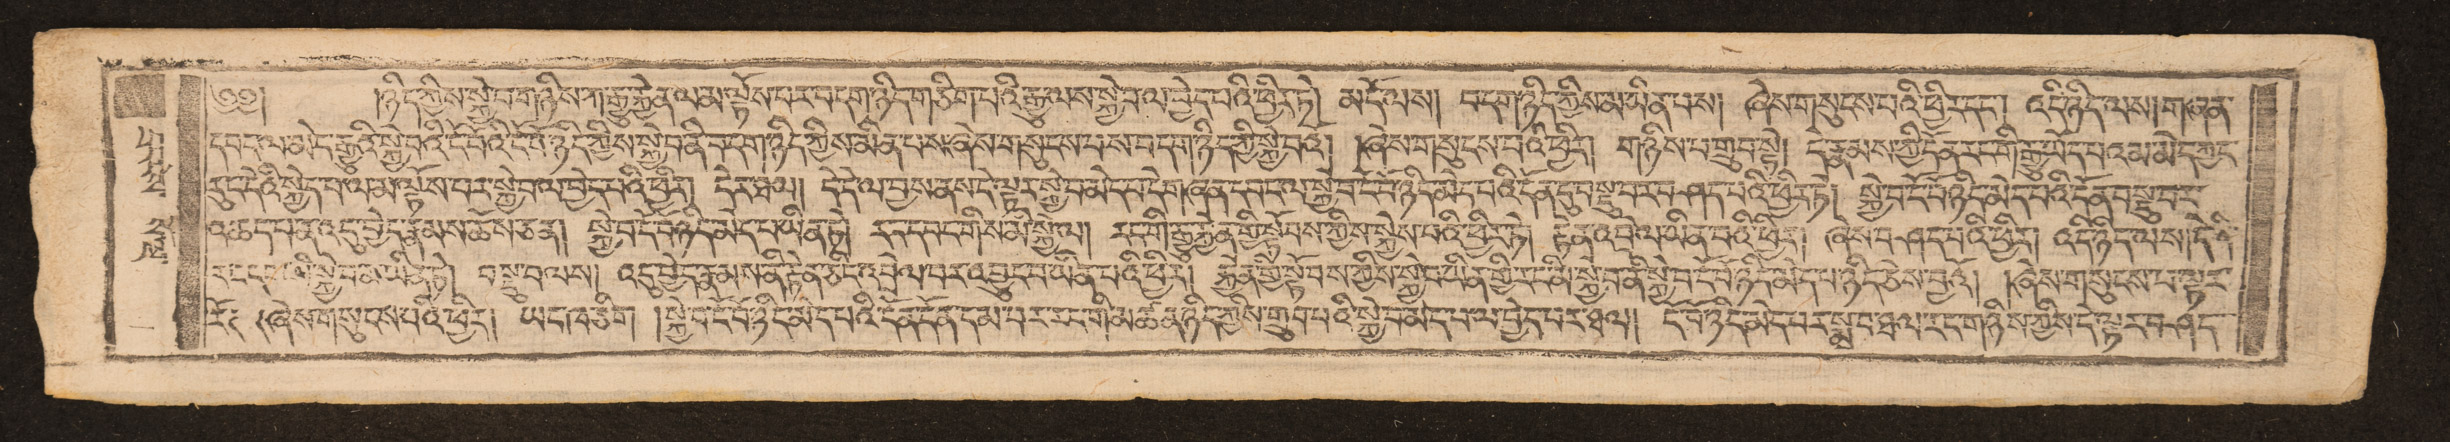༄༅། །ཉིད་ཀྱིས་སྐྱེ་བ་གཉིས་ཀ་རྒྱུ་རྐྱེན་ལ་མ་ལྟོས་པར་བདག་ཉིད་གཅིག་པའི་རྒྱུ་ལས་སྐྱེ་བ་ལ་བྱེད་པའི་ཕྱིར་ཏེ། མདོ་ལས། བདག་ཉིད་ཀྱིས་མ་ཡིན་པས། ཞེས་གསུངས་པའི་ཕྱིར་དང་། འདི་ཉིད་ལས། གཞན་
དབང་ལ་མེད་རྒྱུའི་སྐྱེ་བའི་ངོ་བོའི་ངོ་བོ་ཉིད་ཀྱིས་སྐྱེ་བ་ནི་བདག་ཉིད་ཀྱིས་མིན་པས་ཞེས་གསུངས་པས་བདག་ཉིད་ཀྱི་སྐྱེ་བའོ། །ཞེས་གསུངས་པའི་ཕྱིར། གཉིས་པ་གྲུབ་སྟེ། དེ་རྣམས་ཀྱི་དོན་རང་གི་རྒྱུ་ཡོད་པའམ་མེད་ཀྱང་
རུང་དེའི་སྐྱེད་བ་ལ་མ་ལྟོས་པར་སྐྱེ་བ་ལ་བྱེད་པའི་ཕྱིར། དེར་ཐལ། དེ་དེ་ལ་བྱས་ནས་དེ་ལྟར་སྐྱེ་བ་མེད་པ་དེ་གཞན་དབང་ལ་སྐྱེ་བ་ངོ་བོ་ཉིད་མེད་པའི་དོན་དུ་བསྡུ་བར་བཤད་པའི་ཕྱིར་ཏེ། སྐྱེ་བ་ངོ་བོ་ཉིད་མེད་པའི་དོན་བསྡུ་བར་
འཆད་པ་ན་འདུ་བྱེད་རྣམས་ཆོས་ཅན། སྐྱེ་བ་ངོ་བོ་ཉིད་མེད་པ་ཡིན་ཏེ། རང་དབང་གིས་མི་སྐྱེ་ལ། རང་གི་རྒྱུ་རྐྱེན་གྱི་སྟོབས་ཀྱིས་སྐྱེས་པའི་ཕྱིར་ཏེ། རྟེན་འབྲེལ་ཡིན་པའི་ཕྱིར། ཞེས་བཤད་པའི་ཕྱིར། འདི་ཉིད་ལས། དེ་ན་
རང་དབང་མི་སྐྱེ་བ་མ་ཡིན་ཏེ། བསྡུ་བ་ལས། འདུ་བྱེད་རྣམས་ནི་རྟེན་ཅིང་འབྲེལ་བར་འབྱུང་བ་ཡིན་པའི་ཕྱིར། རྐྱེན་གྱི་སྟོབས་ཀྱིས་སྐྱེ་བ་ཡིན་གྱི་རང་མི་སྐྱེ་བ་ནི་སྐྱེ་བ་ངོ་བོ་ཉིད་མེད་པ་ཉིད་ཅེས་བྱའོ། །ཞེས་གསུངས་པ་ལྟར་
རོ༑ ༑ཞེས་གསུངས་པའི་ཕྱིར། ཡང་ཁ་ཅིག །སྐྱེ་བ་ངོ་བོ་ཉིད་མེད་པའི་དོན་དོན་དམ་པར་རང་གི་མཚན་ཉིད་ཀྱིས་གྲུབ་པའི་སྐྱེ་བ་མེད་པ་ལ་བྱེད་པར་ཐལ། ངོ་བོ་ཉིད་མེད་པར་སྨྲ་བ་ཐལ་རང་གཉིས་ཀྱིས་དེ་ལྟར་བཤད་